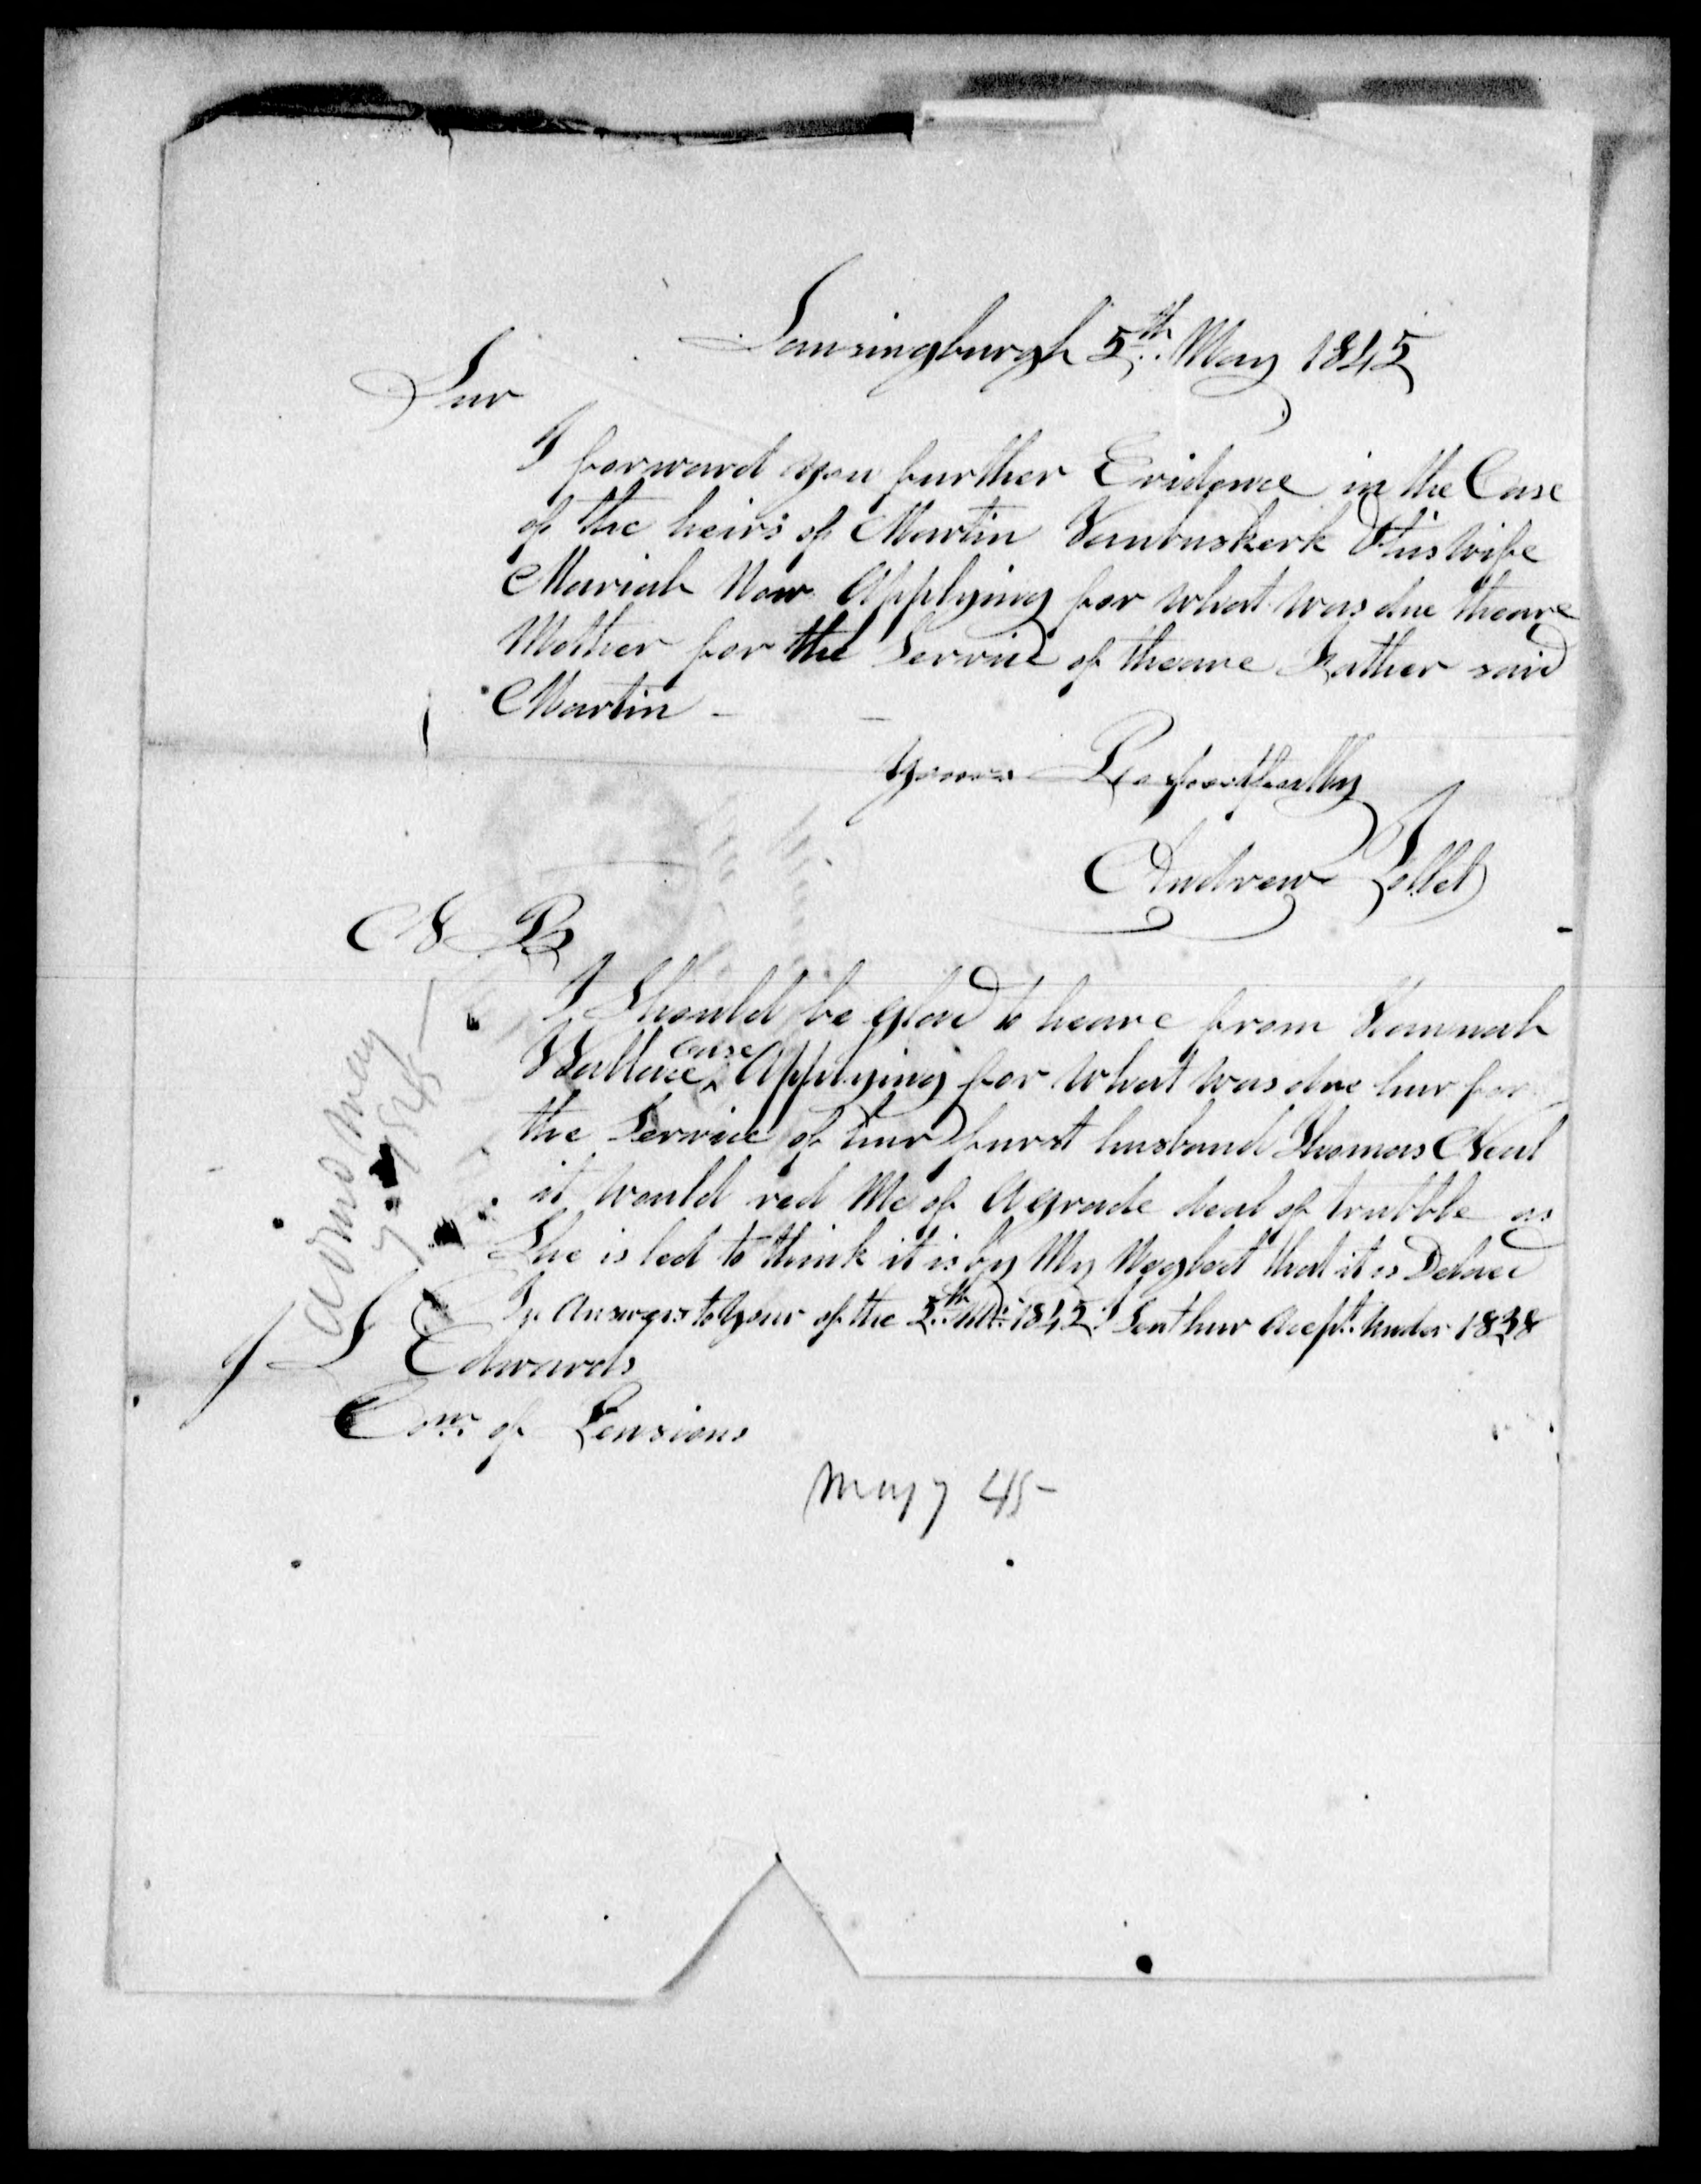Lansingburgh 5th May 1845

Sir
I forward for further evidence in the case of the heirs of Martin Van Buskirk his wife Mariah Now applying for what was due their mother for the Service of their Father said Martin.

Yours Respectfully
Andrew Follet [signature]

P. S.
I should be glad heare [hear] from Hannah Wallace ^ case Applying for what was due her for the service of her first husband Thomas Neal it would [rel?] me of a great deal of trouble as she is led to think it is by my [illegible] that it is [illegible] In answer to your of the 5th [illegible] 1842 I [illegible] her right under 1838
J. L. Edwards
Com of Pensions

May 7 45

[written vertically on left side of page]
I admd May 7 1845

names: Andrew Follet, Mariah, Martin Vanbuskirk, Thomas Neal, Martin, Wallace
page: 34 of 70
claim: rejected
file: R. 10,832, Martin Van Buskirk, New York.